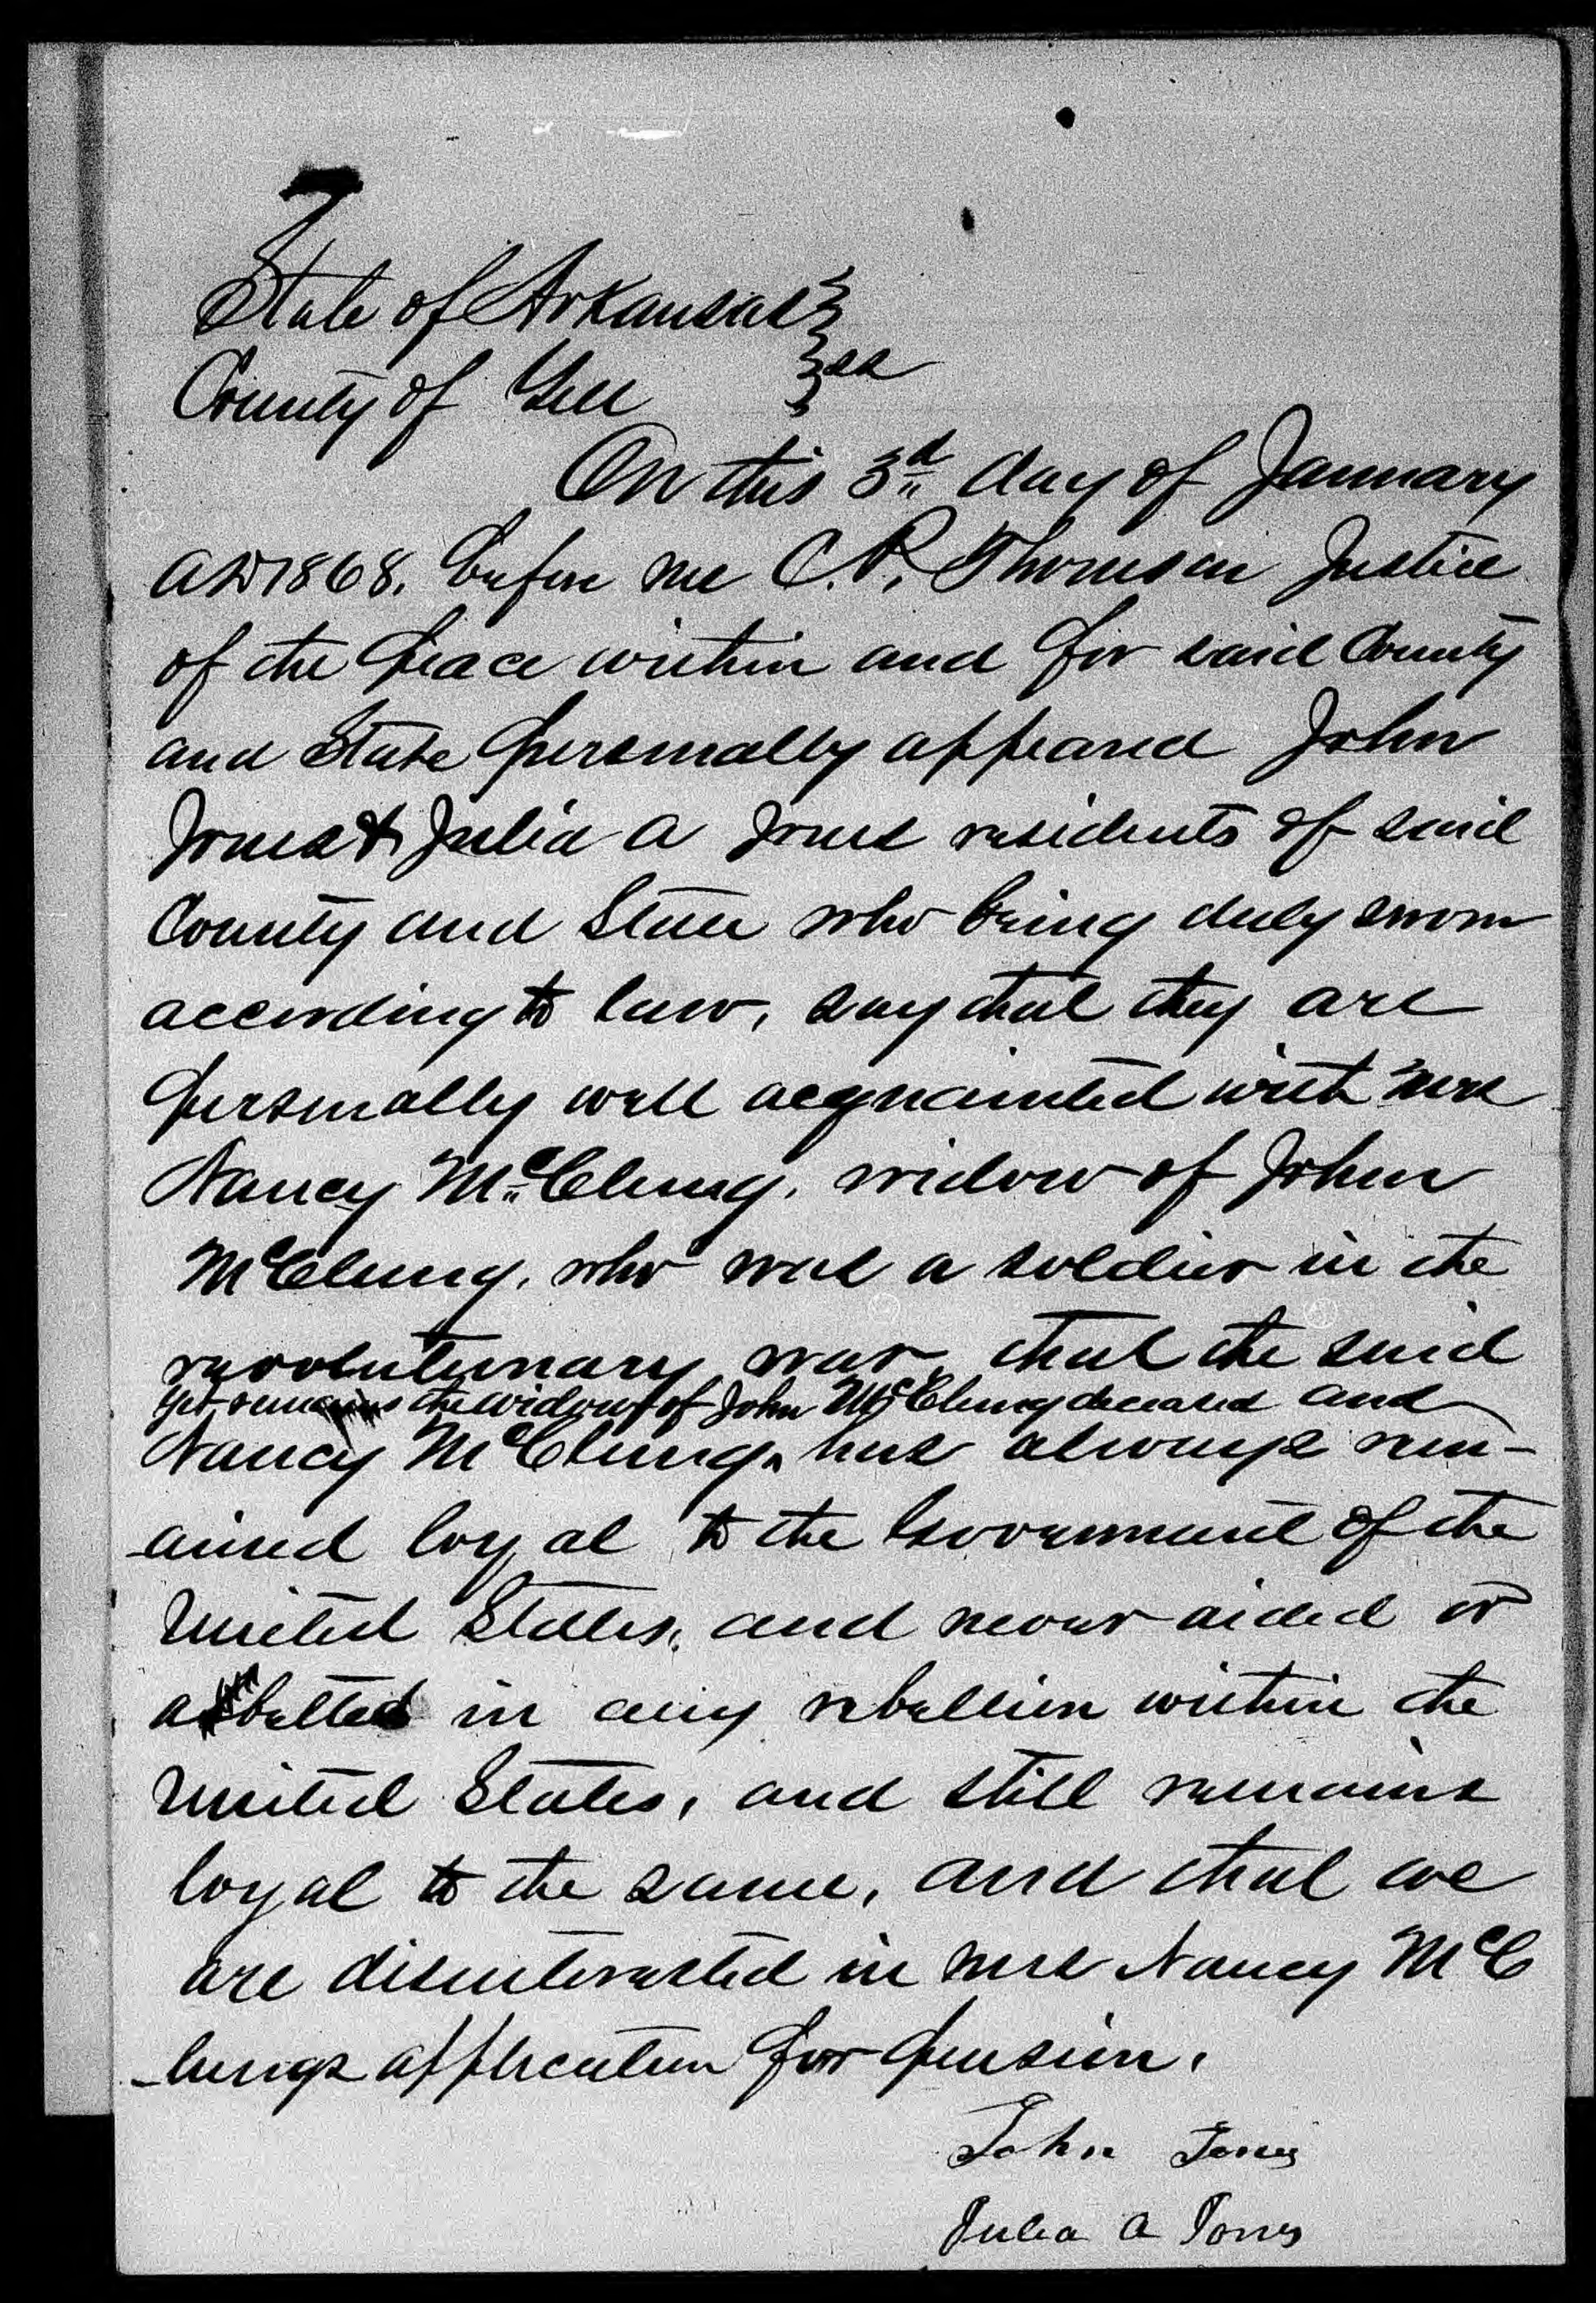State of Arkansas
County of Lee
On this 5th day of January AD 1868 before me C. P. Thomson Justice of the peace within and for said County and State personally appeared John Jones & Julia A Jones residents of said County and State who being duly sworn according to law, say that they are personally well acquainted with Mrs. Nancy McClung, widow of John McClung, who was a soldier in the Revolutionary war  that the said Nancy McClung yet remains the widow of John McClung deceased and Nancy McClung has always
and loyal to the Government of the United States, and never aided or abetted in any rebellion within the United States, and still remains loyal to the same, and that we are disinterested in Mrs. Nancy McClung's application for pension,
[signed] John Jones
Julia A Jones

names: Julia A Jones; John Jones; C P Thomson; John Mc Clung; Nancy Mc Clung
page: 105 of 115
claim: widow's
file: W. 1446, for John Mc Clung, South Carolina